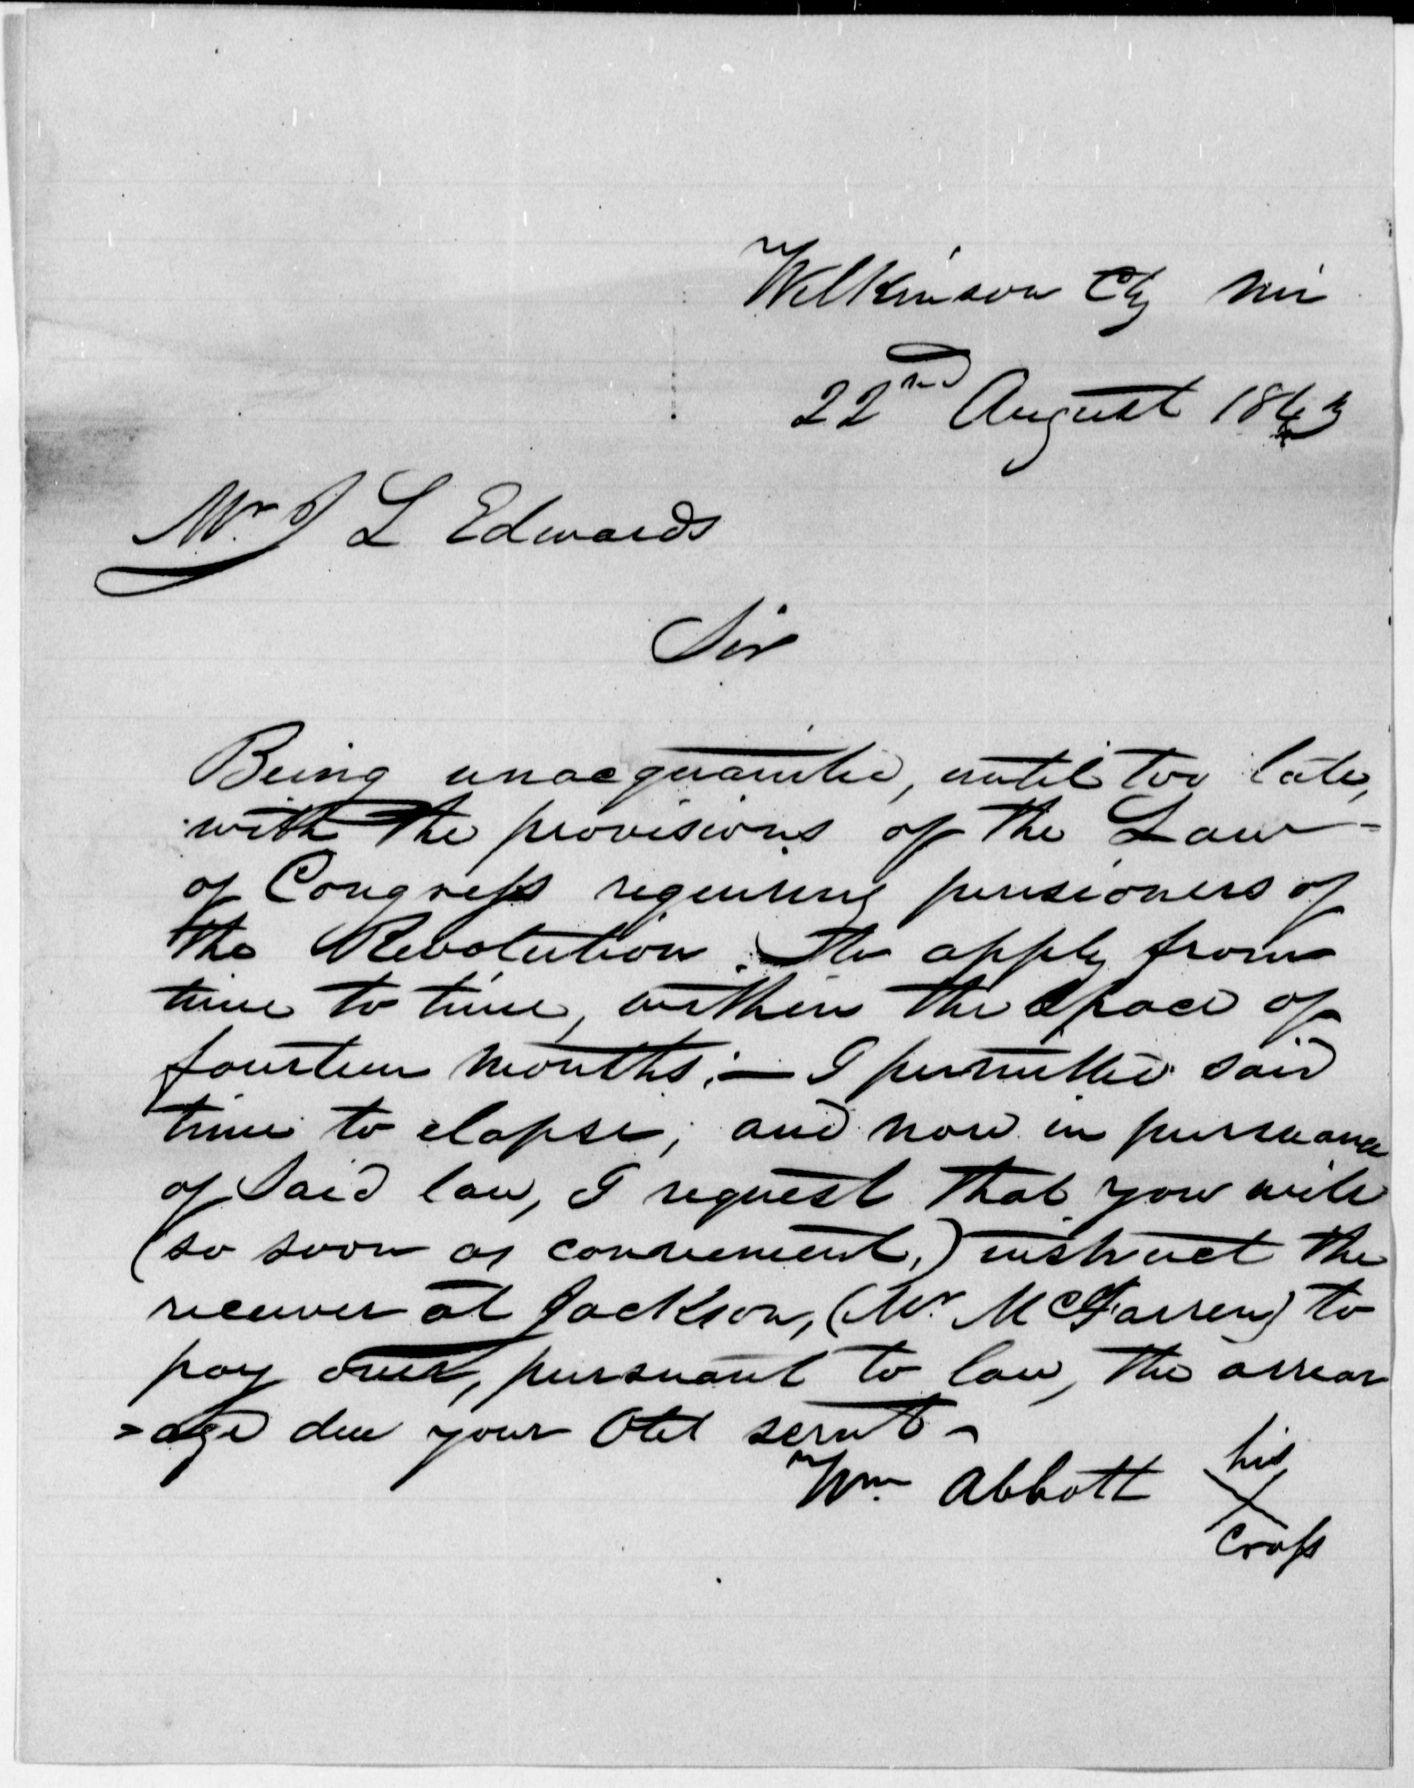Wilkinson City Mis
22nd August 1843

Mr. J L Edwards

Sir
Being unacquainted, until too late, with the provisions of the Law of Congress requiring pensioners of the Revolution, to apply from time to time, within the space of fourteen months. I permitted said tome to lapse; and now in pursuance of said law, I request that you will (so soon as convenient,) instruct the receiver at Jackson, (Mr. McFarren) to pay ours, pursuant to law, the arrearage due your obt servt.
Wm. Abbott his X cross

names: Mc Farren, J L Edwards, Wm Abbott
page: 37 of 38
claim: survivor's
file: S. 30. 239, William Abbott, S.C.